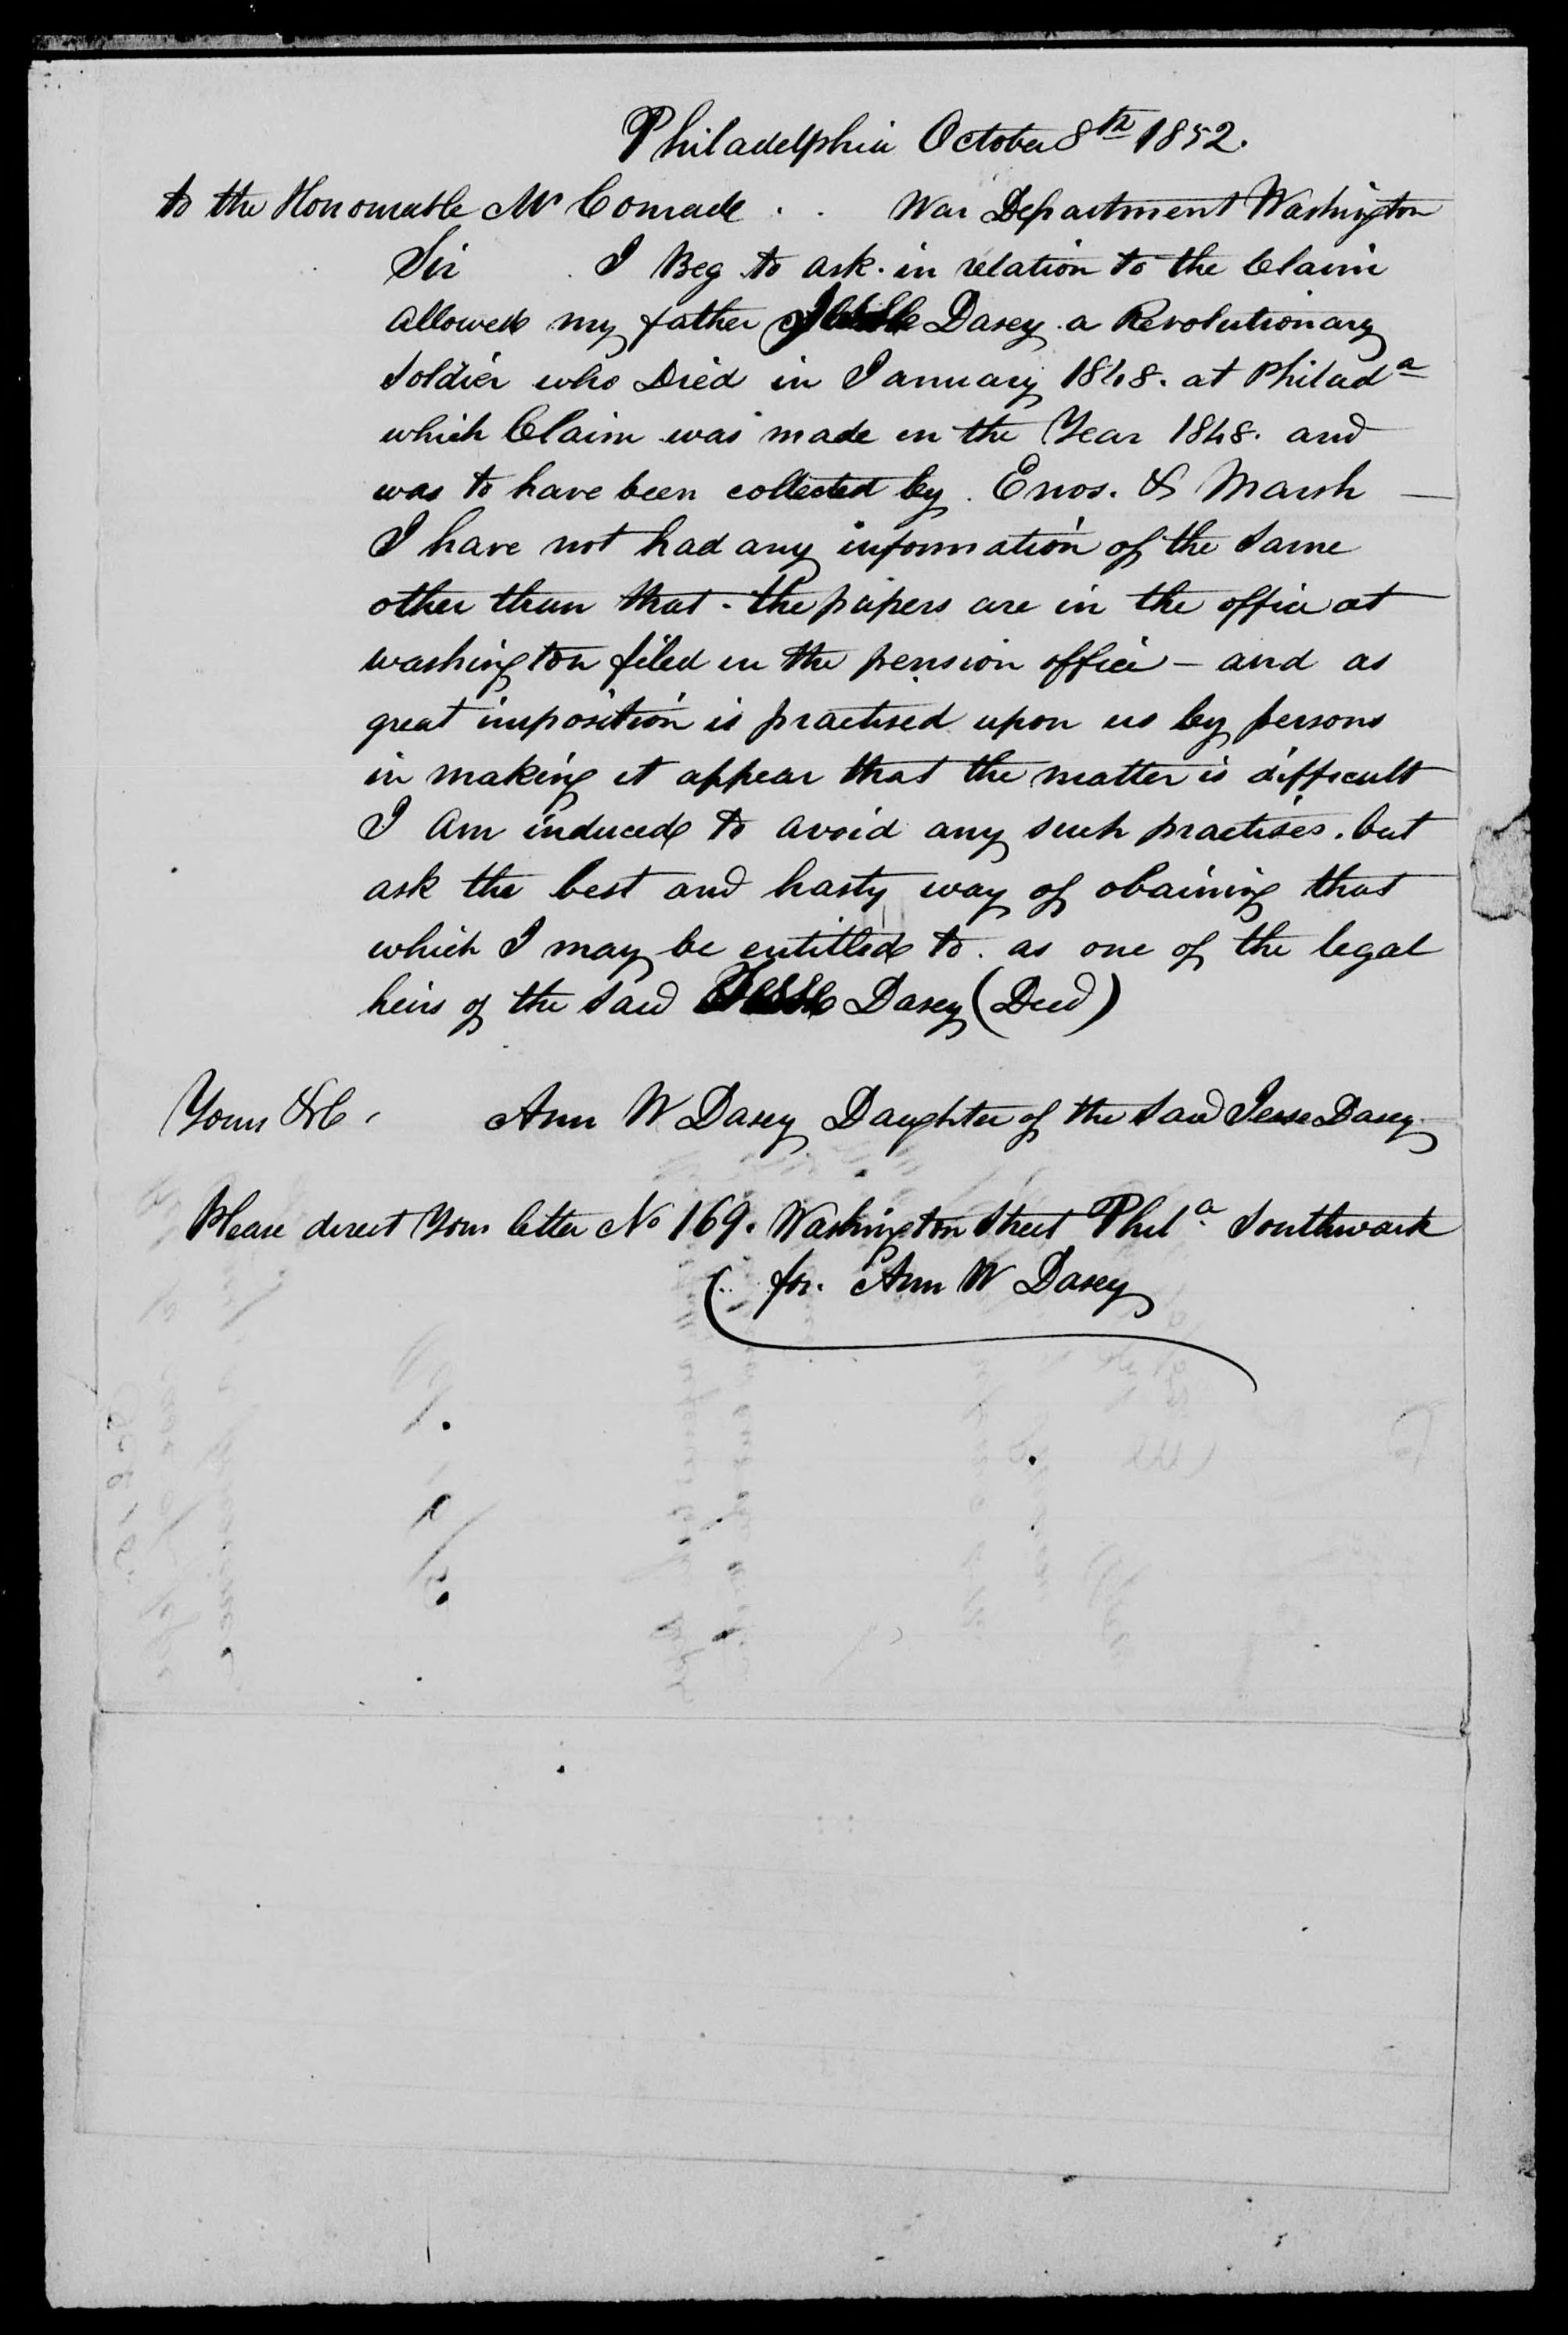Philadelphia October 8th, 1852
To the Honourable Mr Conrack....War Department Washington


Sir       I beg to ask in relation to the claim allowed my father Jesse Dasey, a Revolutionary soldier who died in January 1818 at Philadelphia which claim was made in the year 1848 and was to have been collected by Enos F March -----I have not had any information of the same other than that the papers are in the office at Washington filed in the pension office---and as great imposition is practiced upon us by persons in making it appear that the matter is difficult I am induced to avoid any such practices, but ask the best and hasty way of obtaining that which I may be entitled to as one of the legal heirs of the said Jesse Dasey (Decd)
     
Yours HC,         Ann W Dasey, Daughter of the said Jesse Dasey

Please direct your letter No 169 Washington Street Phila Southwork for Ann W Dasey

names: Conrade, Jesse Dasey, Jesse Dasey, Marsh, Ann W Dasey, Jesse Deed, Enos, Jesse Dasey, Ann W Dasey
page: 9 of 32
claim: rejected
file: R. 2795, Jesse Dazey, Del.